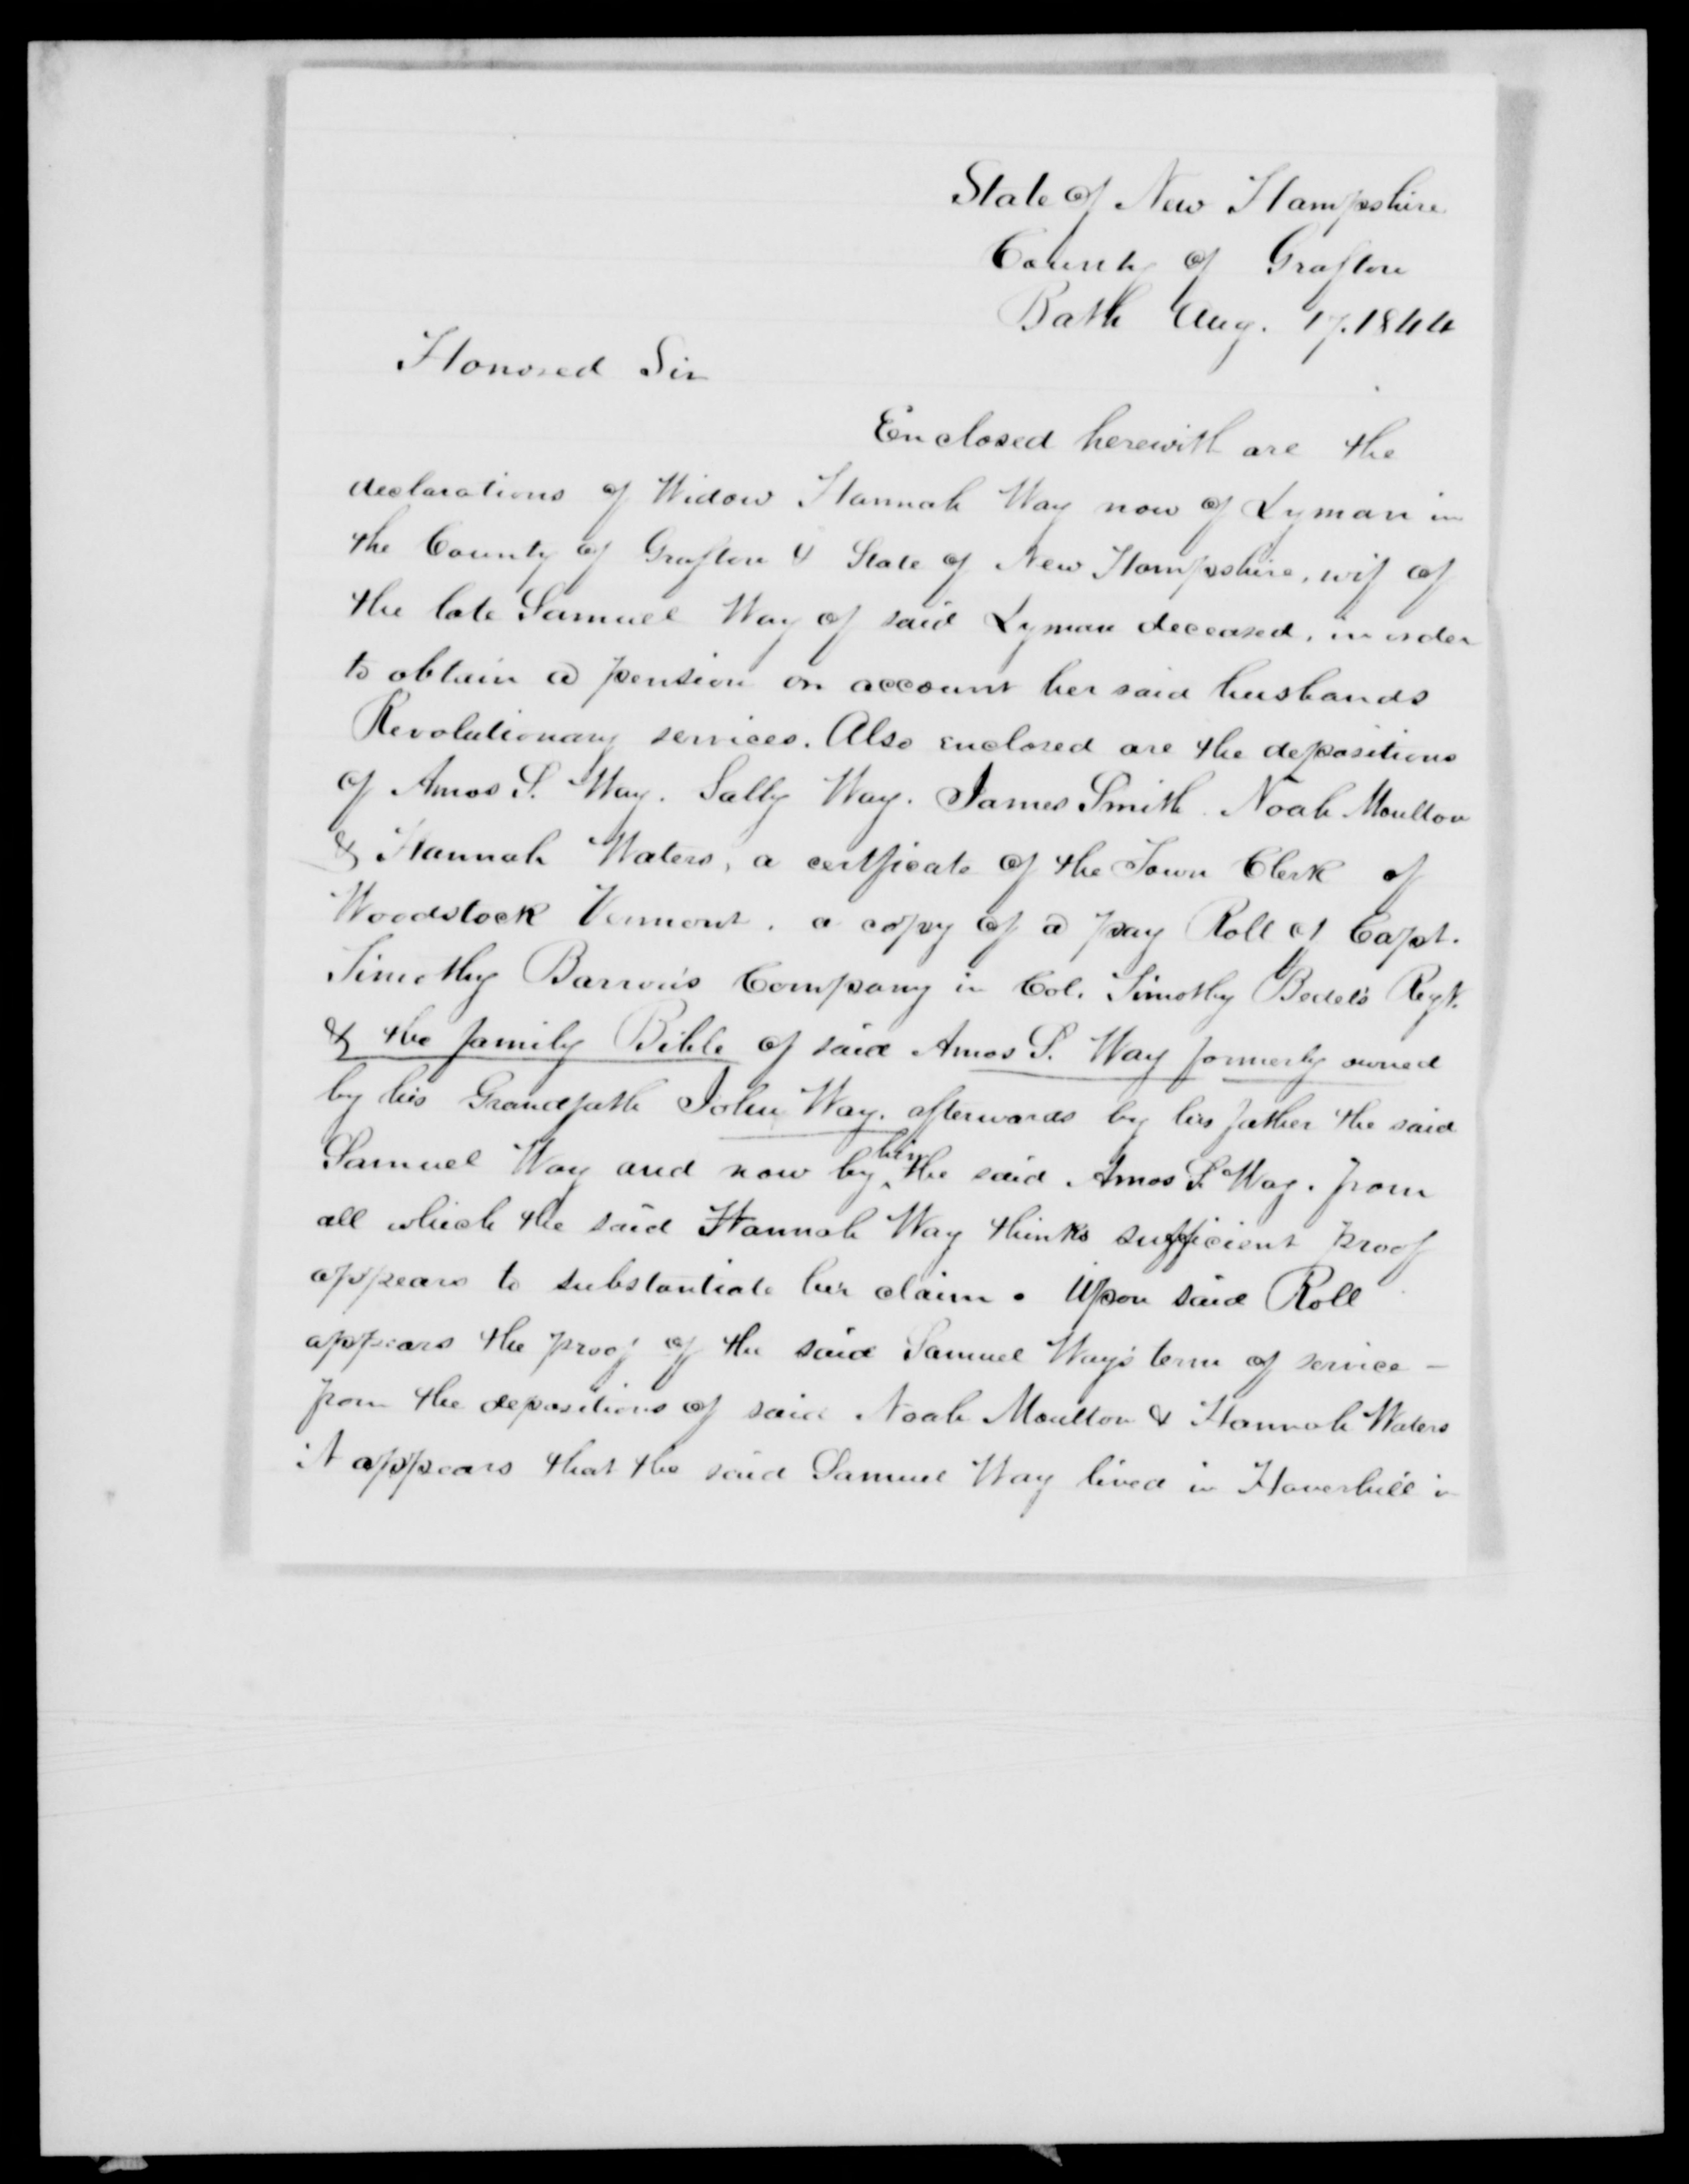State of New Hampshire
County of Grafton
Bath Aug. 17, 1844
Honored Sir
Enclosed herewith are the
declarations of Widow Hannah Way now of Lyman in
the County of Grafton & State of New Hampshire, wife of
the late Samuel Way of said Lyman deceased, in order
to obtain a pension on account her said husbands
Revolutionary services. Also enclosed are the depositions
of Amos S. Way. Sally Way, James Smith Noah Moulton
& Hannah Waters, a certificate of the Town Clerk of
Woodstock Vermont, a copy of a pay Roll of Capt
Timothy Barron's Company in Col. Timothy Bedels Regt.
& the family Bible of said Amos S. Way formerly owned
by his Grandfath John Way afterwards by his father the said
Samuel Way and now by him the said Amos G Way from all
which the said Hannah Way thinks sufficient proof
appears to substantiate her claim. Upon said Roll
appears the proof of the said Samuel Way's term of service -
per the depositions of said Noah Moulton & Hannah Waters
it appears that the said Samuel Way lived in Haverhill in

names: Hannah Waters, Noah Moulton, James Smith, Hannah Way, John Way, Sally Way, Samuel Way, Amos S Way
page: 37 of 78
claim: widow's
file: W. 25856, Samuel Way, N.H.